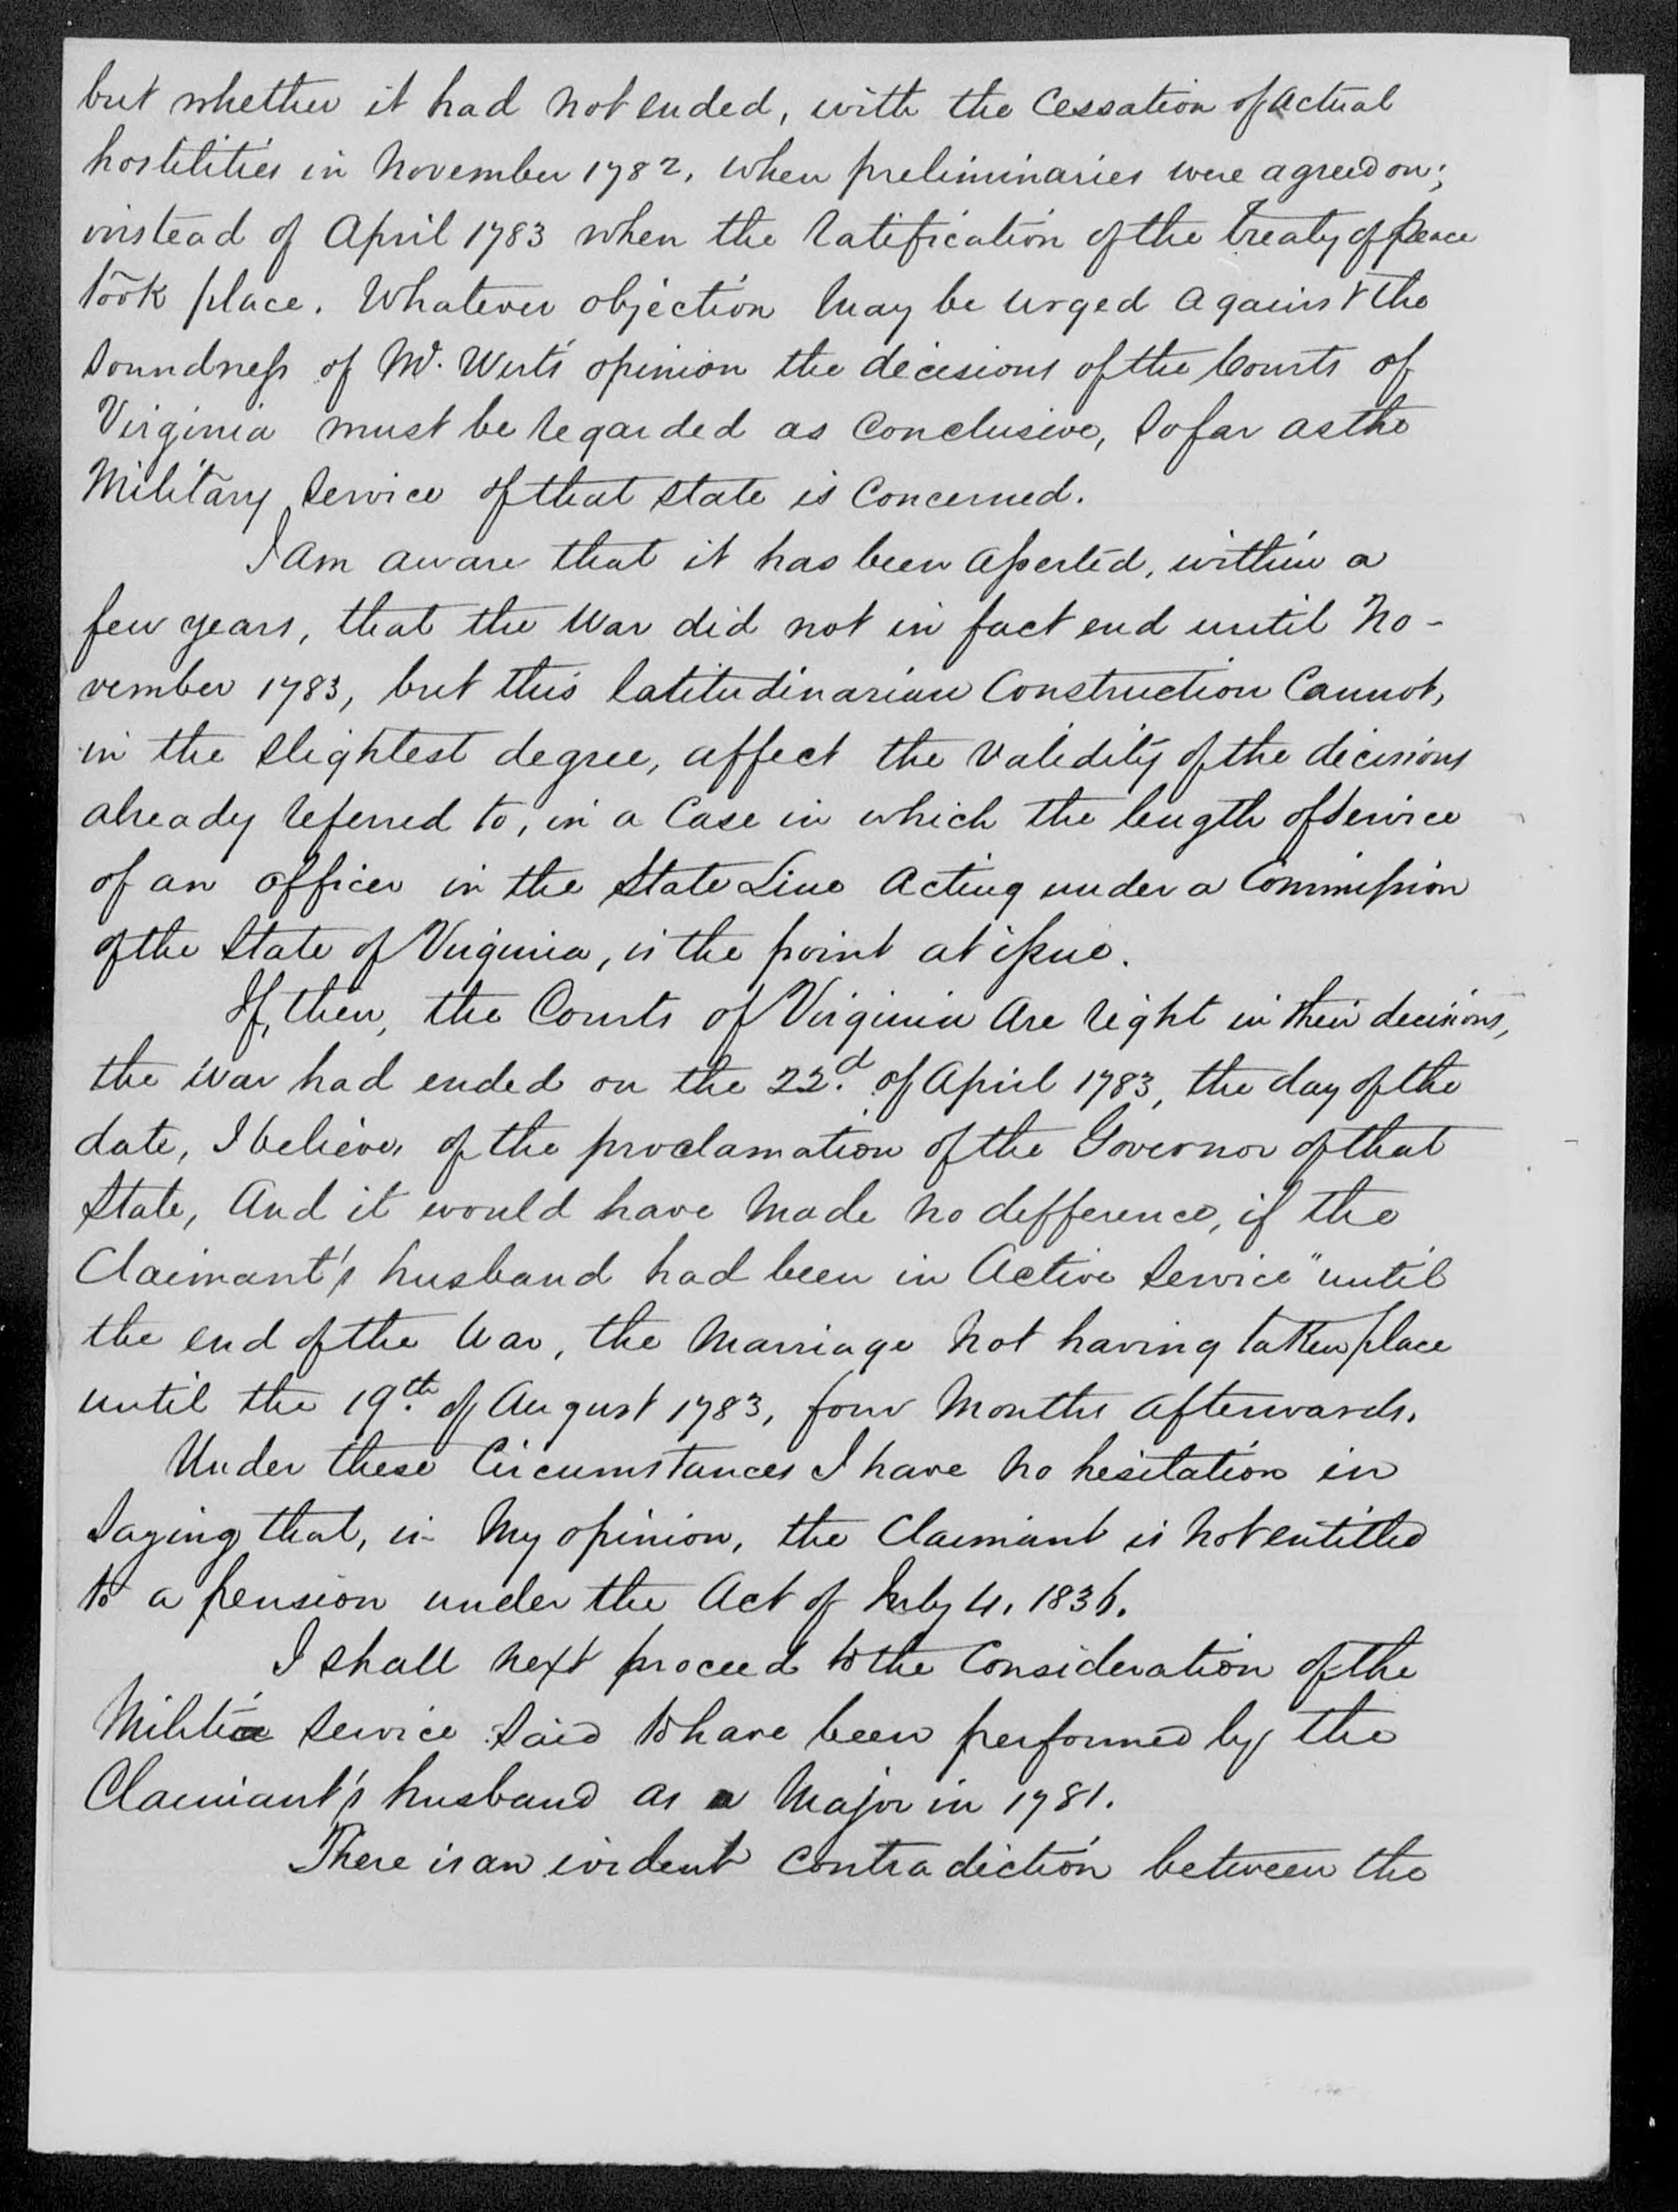but whether it had not ended, with the Cessation of actual hostilities in November 1782, when preliminaries were agreed on; instead of April 1783 when the Ratification of the treaty of Peace took place. Whatever objection may be urged against the soundness of Mr. West's opinion the decisions of the Courts of Virginia must be regarded as Conclusive, so far as the Military Service of that State is Concerned.
I am aware that it has been asserted, within a few years, that the War did not in fact end until November 1783, but this latitudinarian Construction Cannot, in the slightest degree, affect the validity of the decisions already referred to, in a Case in which the length of Service of an officer in the State Line Acting under a Commission of the State of Virginia, is the point at issue.
If, then, the Courts of Virginia Are right in their decisions, the war had ended on the 22d. of April 1783, the day of the date, I believe, of the proclamation of the Governor of that State, And it would have made no difference, if the Claimant's husband had been in Active Service "until the end of the War, the Marriage not having taken place until the 19th. of August 1783, four Months Afterwards.
Under these Circumstances I have no hesitation in Saying that, in My opinion, the Claimant is not entitled to a pension under the Act of July 4, 1836. 
I shall next proceed to the Consideration of the Militia service said to have been performed by the Claimant's husband as a Major in 1781.
There is an evident contradiction between the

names: Wirt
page: 166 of 267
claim: widow's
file: W. 4,149, William Campbell, Va.